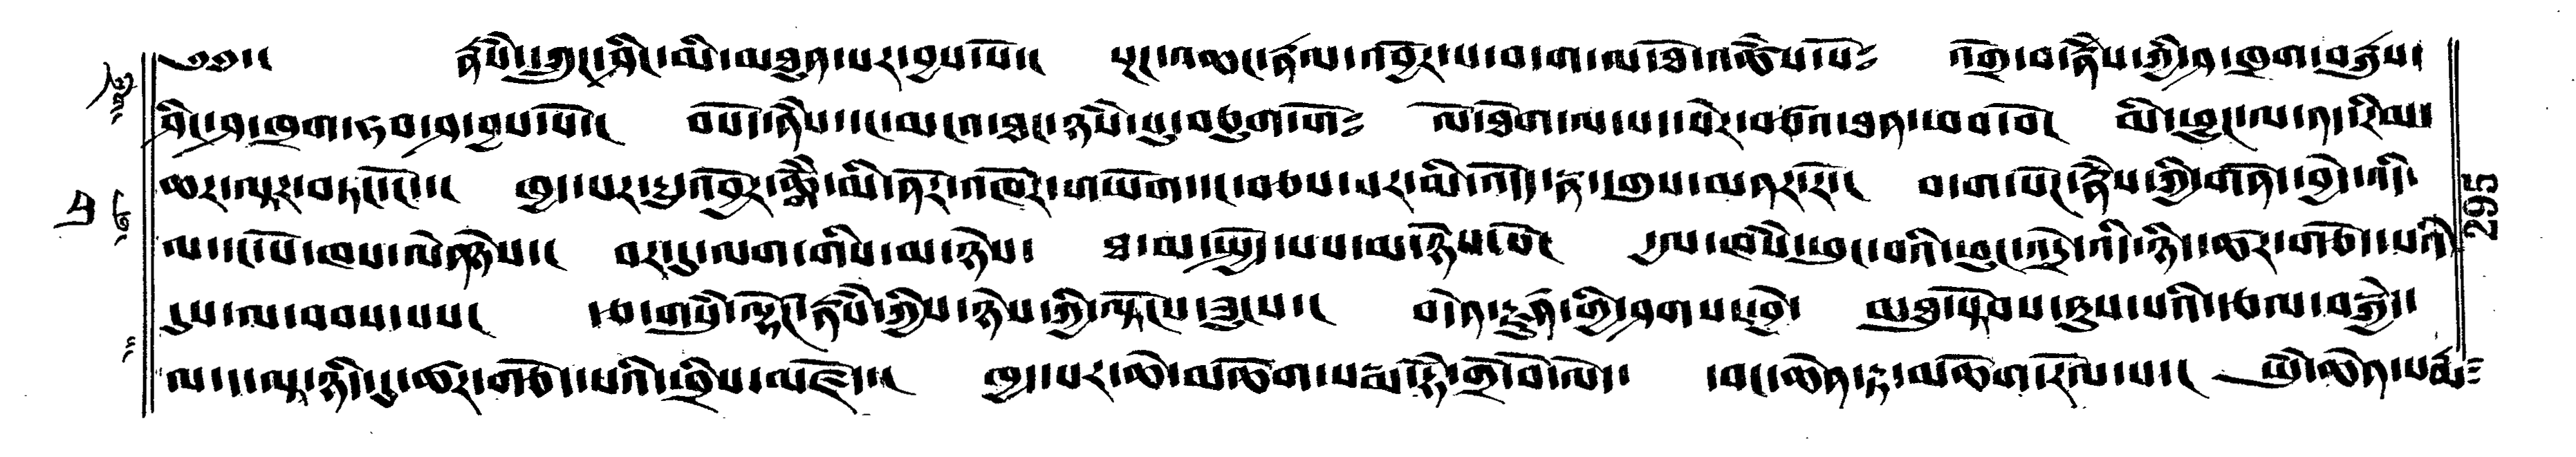རྣམས་དཀྲུགས་ཤིང་མི་མཐུན་པར་བྱས་སོ། སྔགས་འཆང་རྣལ་འབྱོར་པ་བདག་ལ་ཐོ་འཚམས་སོ། འགྲོ་བ་རྣམས་ཀྱི་ཤ་ཁྲག་བརྐུས་
ཤིང་ཤ་ཁྲག་ཧབ་ཤ་བྱས་སོ། བསོད་ནམས་དང་མངའ་ཐང་ཉམས་སུ་བཅུག་གོ ལོ་ཐོག་ལ་སད་སེར་བཙའ་ཐན་ཕབ་བོ། མི་ཕྱུགས་ལ་ནད་རིམས་
ཆར་ལྟར་བཏང་ངོ་། ཁྱད་པར་རྒྱུ་སྦྱོར་ཆེ་གེ་མོ་མི་ནོར་འཁོར་གཡོག་དང་བཅས་པར་མི་འདོད་སྣ་དགུས་མནར་རོ། བདག་སོགས་རྣམས་ཀྱི་གནོད་བྱེད་འདི་
ལ་དང་པོ་ཁས་མ་ཉེས། བར་དུ་ལག་གིས་མ་ཉེས། ཐ་མ་སྤྱོད་པས་མ་ཉེས་སོ། རྒྱལ་ཁམས་ཕུང་བའི་ཕུང་འདྲེ་འདི་ཉིད་ཚར་གཅོད་པའི་
དུས་ལ་བབས་པས། རྩ་གསུམ་ལྷ་ཚོགས་རྣམས་ཀྱིས་ཉེས་ཀྱི་ལྟོངས་ཟུངས། བདེན་རྫུན་གྱི་ཤགས་ཕྱེ། མཐུ་སྟོབས་ནུས་པའི་རྩལ་བསྐྱེད་
ལ་ད་ལྟ་ཉིད་དུ་ཚར་གཅོད་པའི་ཕྲིན་ལས་མཛོད། ཁྱད་པར་ཆེ་མཆོག་པདྨ་རྡོ་རྗེ་གྲོ་བོ་ལོད། དབང་ཆེན་རྟ་མཆོག་རོལ་པ། ཡུམ་ཆེན་པདྨ་